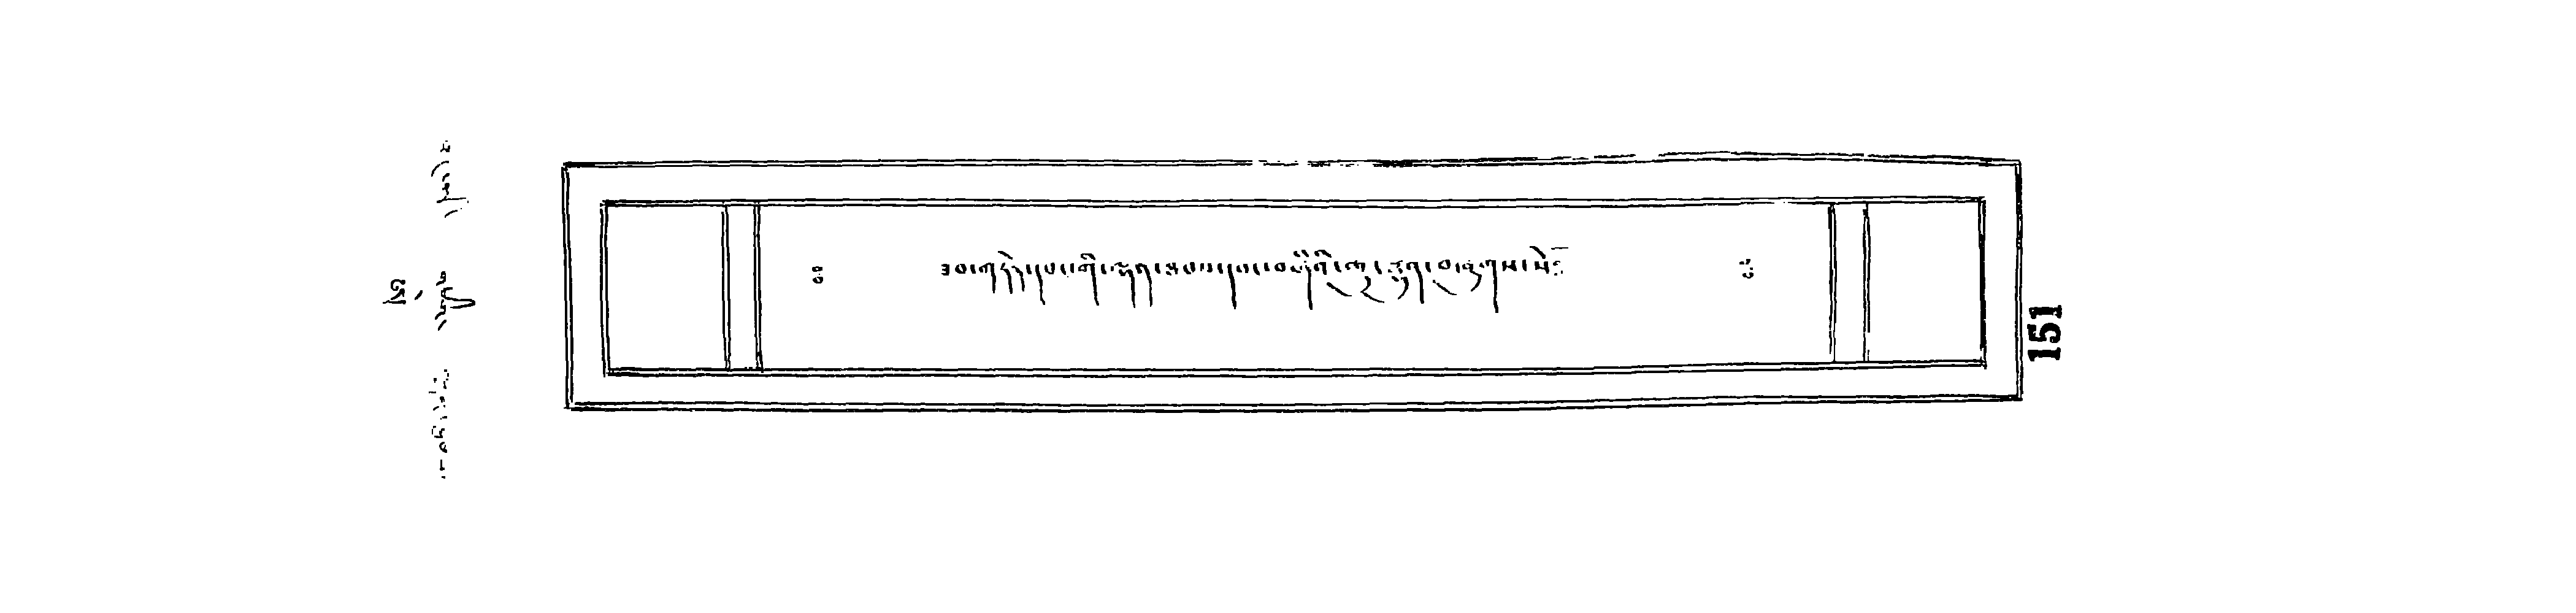ཟབ་གཏེར་དབང་གི་ལྷན་ཐབས་དབང་བཞིའི་ཆུ་རྒྱུན་བཞུགས་སོ།